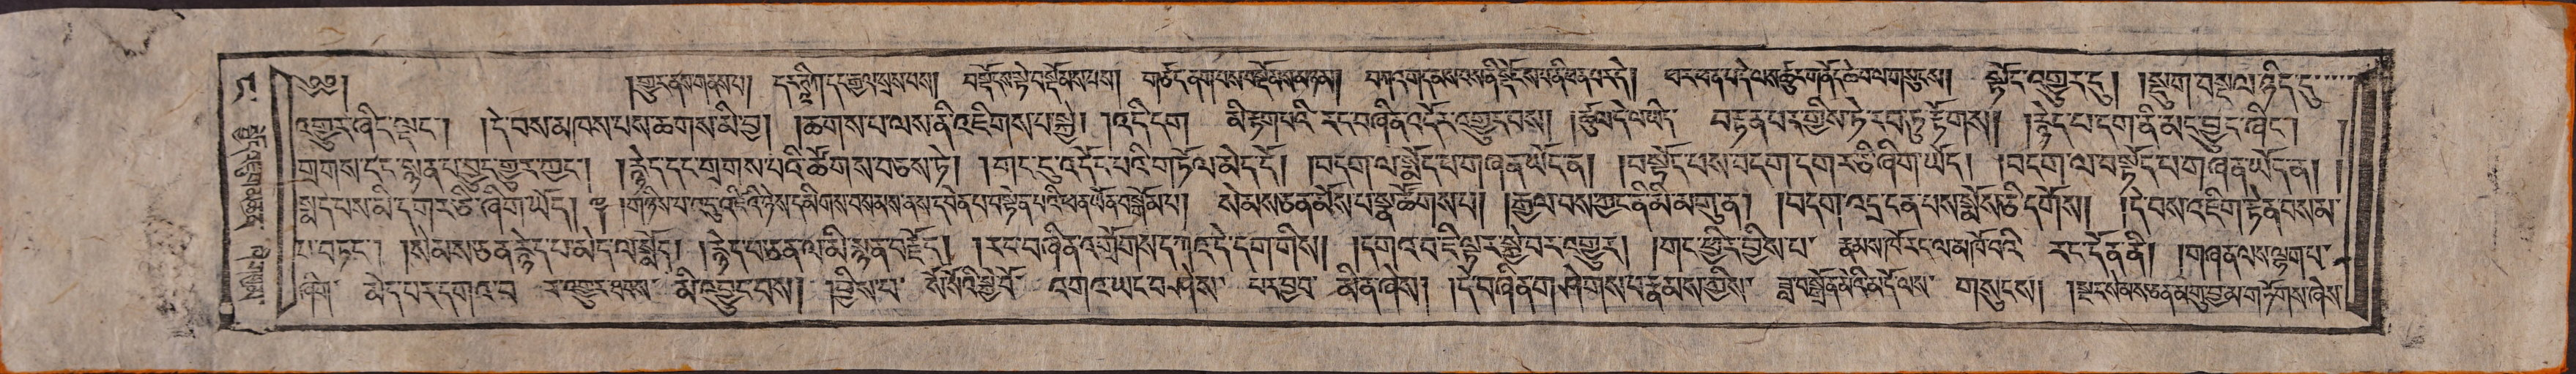༄༅། །གྱུར་ནས་གནས་པ། དར་ཊཱིཀ་དང་རྒྱལ་སྲས་པས། བསྡོངས་སྟེ་བསྡོམས་པ། །གཙང་ནག་པས་བསྡོམས་ན། བཀའ་གདེམས་པས་ན་སྡོངས་པ་ནི་ཕན་པར་དེ། ཕར་ཕན་པ་དེ་ལས་ཚུར་གནོད་ཆེ་བ་ལ་གསུངས། སྟོང་འགྱུར་དུ། །སྡུག་བསྔལ་ཉིད་དུ་
འགྱུར་ཞིང་ལྡང་། །དེ་བས་མཁས་པས་ཆགས་མི་བྱ། །ཆགས་པ་ལས་ནི་འཇིགས་པ་སྐྱེ། །འདི་དག་མི་རྟག་པའི་རང་བཞིན་འདོར་འགྱུར་བས། །ཚུལ་དེ་ལ་ཡིད་བརྟན་པར་གྱིས་ཏེ་རབ་ཏུ་རྟོགས། །རྙེད་པ་དག་ནི་མང་བྱུང་ཞིང་། །
གྲགས་དང་སྙན་པ་བྱུང་གྱུར་ཀྱང་། །རྙེད་དང་གྲགས་པའི་ཚོགས་བཅས་ཏེ། །གང་དུ་འདོང་པའི་གཏོལ་མེད་དོ། །བདག་ལ་སྨོད་པ་གཞན་ཡོད་ན། །བསྟོད་པས་བདག་དགར་ཅི་ཞིག་ཡོད། །བདག་ལ་བསྟོད་པ་གཞན་ཡོད་ན། །
སྨད་པས་མི་དགར་ཅི་ཞིག་ཡོད། ༈ །གཉིས་པ་འདུ་འཇིའི་ཉེས་དམིགས་བསམས་ནས་དབེན་པ་བསྟེན་པའི་ཕན་ཡོན་བསྒོམ་པ།  སེམས་ཅན་མོས་པ་སྣ་ཚོགས་པ། །རྒྱལ་བས་ཀྱང་ནི་མི་མགུ་ན། །བདག་འབྲལ་ངན་བས་སྨོས་ཅི་དོགས། དེ་བས་འཇིག་རྟེན་བསམ་
པ་བཏང་། །སེམས་ཅན་རྙེད་པ་མེད་ལ་སྨེད། །རྙེད་པ་ཅན་ལ་མི་སྙན་བརྗོད། །རང་བཞིན་འགྲོགས་དཀའ་དེ་དག་གིས། །དགའ་བ་ཇི་ལྟར་སྐྱེ་བར་འགྱུར། །གང་ཕྱིར་བྱིས་པ་རྣམས་ཁོ་རང་ལ་མཁོ་བའི་རང་དོན་ནི། །གཞན་ལས་ལྷག་པ་
ཞིག་མེད་པར་དགའ་བ་ར་འགྱུར་ཐབས་མི་འབྱུང་བས། །བྱིས་པ་སོ་སོའི་སྐྱེ་བོ་འགའ་ཡང་བཤེས་པར་བྱ་བ་མིན་ཞེས། །དེ་བཞིན་གཤེགས་པ་རྣམས་ཀྱིས་ཟླ་བསྒྲོན་སེའི་མདོ་ལ་གསུངས། །སྔར་སེམས་ཅན་མགུ་བྱ་མ་གཏོགས་ཞེས་